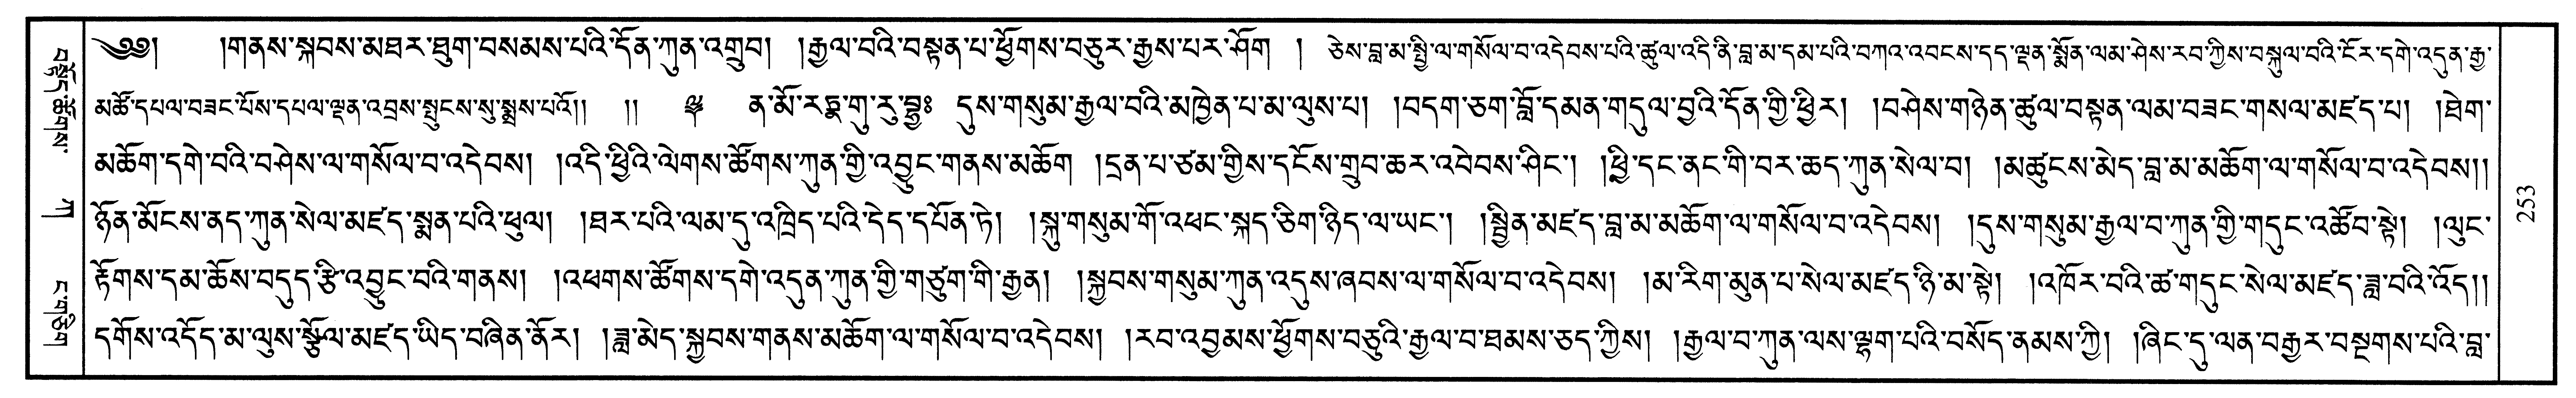༄༅། །གནས་སྐབས་མཐར་ཐུག་བསམས་པའི་དོན་ཀུན་འགྲུབ། །རྒྱལ་བའི་བསྟན་པ་ཕྱོགས་བཅུར་རྒྱས་པར་ཤོག །ཅེས་བླ་མ་སྤྱི་ལ་གསོལ་བ་འདེབས་པའི་ཚུལ་འདི་ནི་བླ་མ་དམ་པའི་བཀའ་འབངས་དད་ལྡན་སྨོན་ལམ་ཤེས་རབ་ཀྱིས་བསྐུལ་བའི་ངོར་དགེ་འདུན་རྒྱ་
མཚོ་དཔལ་བཟང་པོས་དཔལ་ལྡན་འབྲས་སྤུངས་སུ་སྨྲས་པའོ།། །། ༈ ན་མོ་རཏྣ་གུ་རུ་བྷྱཿ དུས་གསུམ་རྒྱལ་བའི་མཁྱེན་པ་མ་ལུས་པ། །བདག་ཅག་བློ་དམན་གདུལ་བྱའི་དོན་གྱི་ཕྱིར། །བཤེས་གཉེན་ཚུལ་བསྟན་ལམ་བཟང་གསལ་མཛད་པ། །ཐེག་
མཆོག་དགེ་བའི་བཤེས་ལ་གསོལ་བ་འདེབས། །འདི་ཕྱིའི་ལེགས་ཚོགས་ཀུན་གྱི་འབྱུང་གནས་མཆོག །དྲན་པ་ཙམ་གྱིས་དངོས་གྲུབ་ཆར་འབེབས་ཤིང་། །ཕྱི་དང་ནང་གི་བར་ཆད་ཀུན་སེལ་བ། །མཚུངས་མེད་བླ་མ་མཆོག་ལ་གསོལ་བ་འདེབས། །
ཉོན་མོངས་ནད་ཀུན་སེལ་མཛད་སྨན་པའི་ཕུལ། །ཐར་པའི་ལམ་དུ་འཁྲིད་པའི་དེད་དཔོན་ཏེ། །སྐུ་གསུམ་གོ་འཕང་སྐད་ཅིག་ཉིད་ལ་ཡང་། །སྦྱིན་མཛད་བླ་མ་མཆོག་ལ་གསོལ་བ་འདེབས། །དུས་གསུམ་རྒྱལ་བ་ཀུན་གྱི་གདུང་འཚོབ་སྟེ། །ལུང་
རྟོགས་དམ་ཆོས་བདུད་རྩི་འབྱུང་བའི་གནས། །འཕགས་ཚོགས་དགེ་འདུན་ཀུན་གྱི་གཙུག་གི་རྒྱན། །སྐྱབས་གསུམ་ཀུན་འདུས་ཞབས་ལ་གསོལ་བ་འདེབས། །མ་རིག་མུན་པ་སེལ་མཛད་ཉི་མ་སྟེ། །འཁོར་བའི་ཚ་གདུང་སེལ་མཛད་ཟླ་བའི་འོད།།
དགོས་འདོད་མ་ལུས་སྩོལ་མཛད་ཡིད་བཞིན་ནོར། །ཟླ་མེད་སྐྱབས་གནས་མཆོག་ལ་གསོལ་བ་འདེབས། །རབ་འབྱམས་ཕྱོགས་བཅུའི་རྒྱལ་བ་ཐམས་ཅད་ཀྱིས། །རྒྱལ་བ་ཀུན་ལས་ལྷག་པའི་བསོད་ནམས་ཀྱི། །ཞིང་དུ་ལན་བརྒྱར་བསྔགས་པའི་བླ་